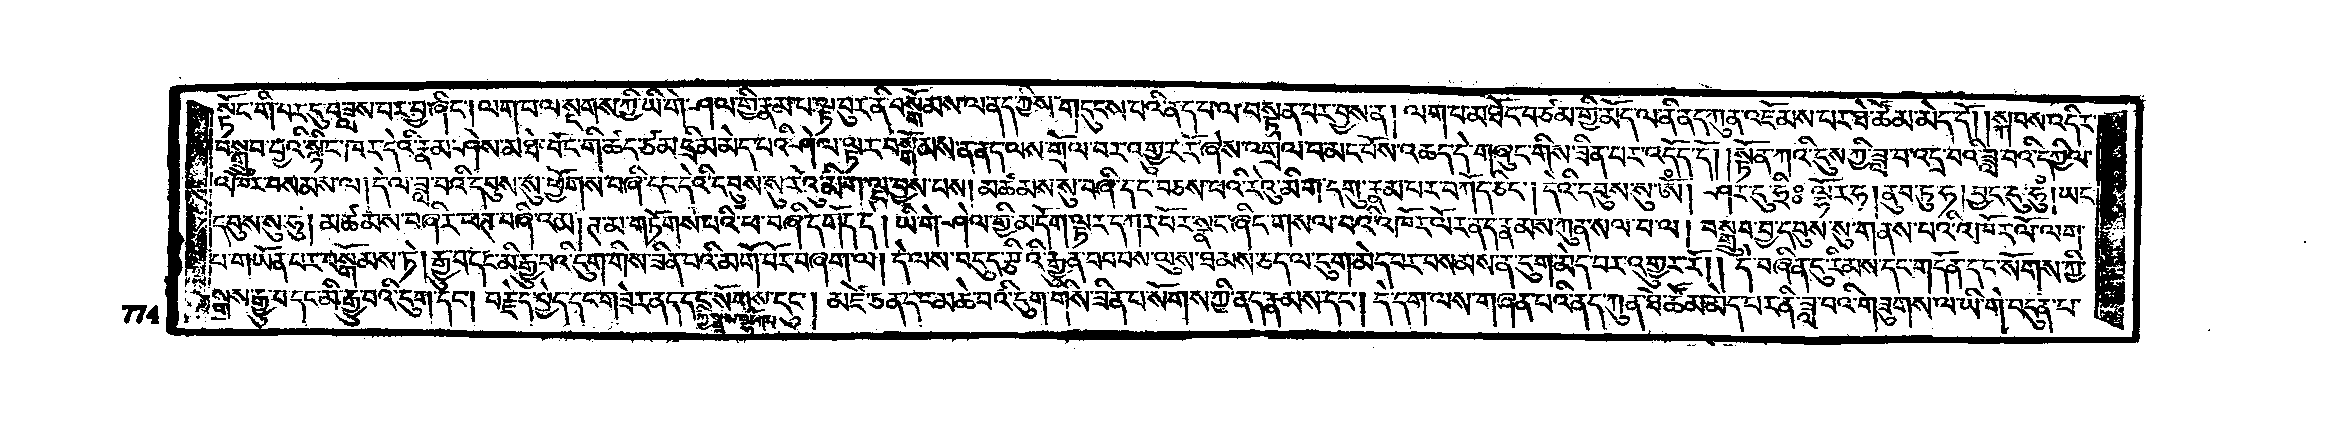སྟོང་གི་བར་དུ་བཟླས་པར་བྱ་ཞིང་། ལག་པ་ལ་སྔགས་ཀྱི་ཡི་གེ་ཤལ་གྱི་རྣམ་པ་ལྟ་བུར་ནི་བསྒོམས་ལ་ནད་ཀྱིས་གདུངས་པའི་ནད་པ་ལ་བསྟན་པར་བྱས་ན། ལག་པ་མཐོང་བ་ཙམ་གྱི་མོད་ལ་ནི་ནད་ཀུན་འཇོམས་པར་ཐེ་ཚོམ་མེད་དོ། །སྐབས་འདིར་
བསྒྲུབ་བྱའི་སྙིང་ཁར་དེའི་རྣམ་ཤེས་མཐེ་བོང་གི་ཚད་ཙམ་དྲི་མ་མེད་པའི་ཤེལ་ལྟར་བསྒོམས་ན་ནད་ལས་གྲོལ་བར་འགྱུར་རོ་ཞེས་འགྲེལ་པ་མང་པོས་འཆད་དེ་གཞུང་གིས་ཟིན་པར་འདོད་དོ། །སྟོན་ཀའི་དུས་ཀྱི་ཟླ་བ་འདྲ་བའི་ཟླ་བའི་དཀྱིལ་
འཁོར་བསམས་ལ། དེ་ལ་ཟླ་བའི་དབུས་སུ་ཕྱོགས་བཞི་དང་དེའི་དབུས་སུ་རེའུ་མིག་ལྔ་བྱས་པས། མཚམས་སུ་བཞི་དང་བཅས་པའི་རེའུ་མིག་དགུ་རྣམ་པར་བཀོད་ཅིང་། དེའི་དབུས་སུ་ཨོཾ། ཤར་དུ་ཧྲིཿ ལྷོར་ཧ། ནུབ་ཏུ་ཧ། བྱང་དུ་ཧུཾ། ཡང་
དབུས་སུ་ཧུཾ། མཚམས་བཞིར་ཕཊ་བཞི་འམ། ཊ་མ་གཏོགས་པའི་ཕ་བཞི་དགོད་དེ། ཡི་གེ་ཤེལ་གྱི་མདོག་ལྟར་དཀར་པོར་སྣང་ཞིང་གསལ་བའི་འཁོར་ལོར་ནད་རྣམས་ཀུན་སལ་བ་ལ། བསྒྲུབ་བྱ་དབུས་སུ་གནས་པའི་འཁོར་ལོ་ལག་
པ་གཡོན་པར་བསྒོམས་ཏེ། རྒྱུ་བ་དང་མི་རྒྱུ་བའི་དུག་གིས་ཟིན་པའི་མགོ་བོར་བཞག་ལ། དེ་ལས་བདུད་རྩིའི་རྒྱུན་བབ་པས་ལུས་ཐམས་ཅད་ལ་དུག་མེད་པར་བསམས་ན་དུག་མེད་པར་འགྱུར་རོ། །དེ་བཞིན་དུ་རིམས་དང་གདོན་དང་སོགས་ཀྱི་སྒྲས་རྒྱུ་བ་དང་མི་རྒྱུ་བའི་དུག་དང་། བརྗེད་བྱེད་དང་གཟེར་ནད་དང་ཀྱི་སྒྲས་ལྷོ་པའི་སོགས་དང་། མཛེ་ཅན་དང་མཆེ་བའི་དུག་གིས་ཟིན་པ་སོགས་ཀྱི་ནད་རྣམས་དང་། དེ་དག་ལས་གཞན་པའི་ནད་ཀུན་ཐེ་ཚོམ་མེད་པར་ནི་ཟླ་བའི་གཟུགས་ལ་ཡི་གེ་བདུན་པ་